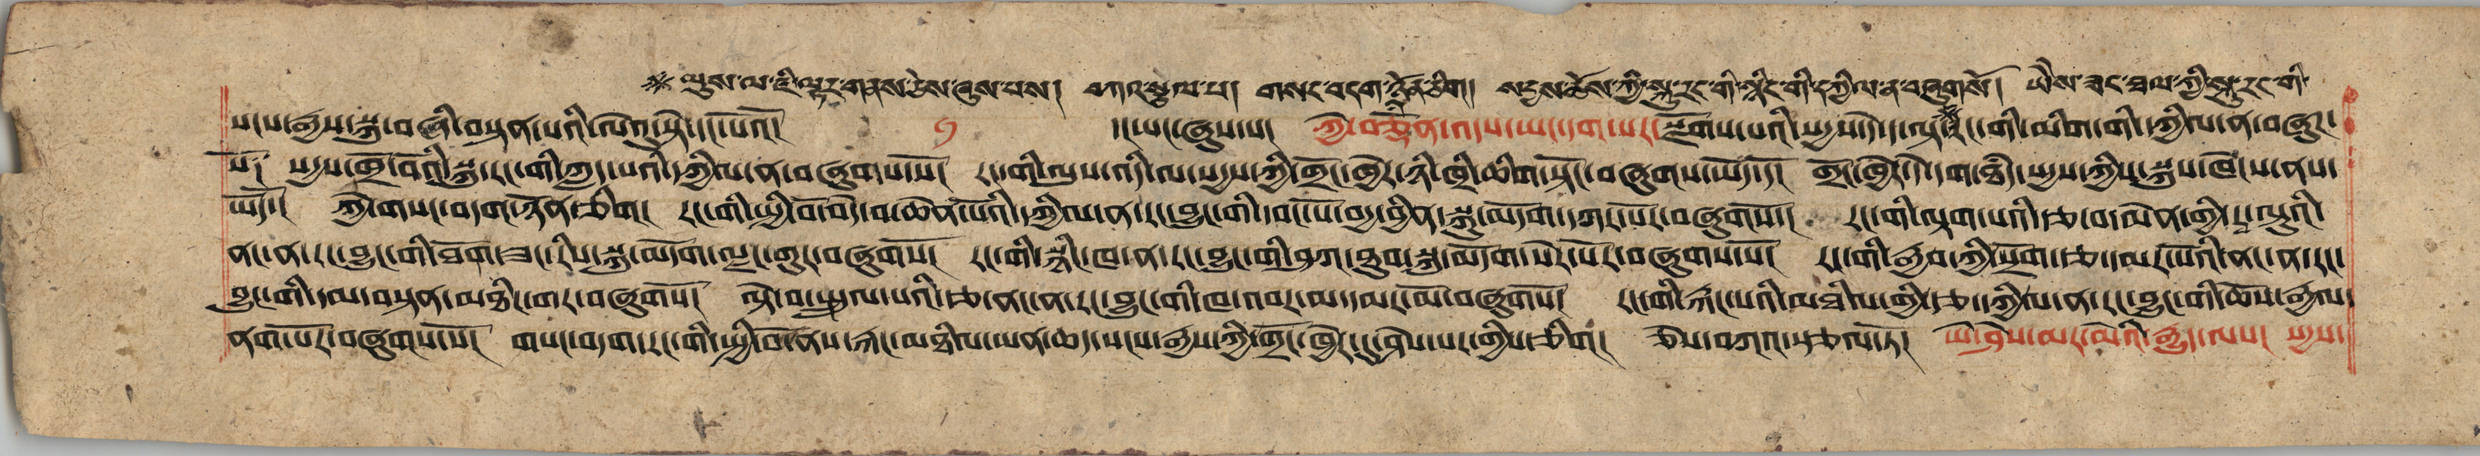ལུས་ལ་ཇི་ལྟར་གནས་ཅེས་ཞུས་པས། བཀའ་སྩལ་པ། གསང་བདག་ཉོན་ཅིག། སདྱས་ཆོས་ཀྱི་སྐུ་རང་གི་སྙིང་གི་དཀྱིལ་ན་བཞུགསོ། ཡཻས་ཟང་ཐལ་གྱི་སྐུ་རང་གི་
སངས་རྒྱས་སྐུ་བཞི་བསྟན་པའི་ལེའུ་སྟེ་དང་པོའོ། ཧ ་།ཡང་ཞུས་པ། ཀྱེ་བཅྡོཾན་འདས་ཡང་དག་པར་སྫོགས་པའི་སདྱས་དེ་ད་ལྟ་རང་གི་མིག་གི་དཀྱིལ་ན་བཞུཌ་
སོ༑ སདྱས་ཁྲོ་བའི་སྐུ་རང་གི་ཀླད་པའི་དཀྱིལ་ན་བཞུགས་སོ། རང་གི་ལུས་འདི་ལ་སདྱས་ཀྱི་གྲོང་ཁྱེར་ཉི་ཁྲི་ཆིག་སྟོང་བཞུགས་ཡོད་དོ་། གྲོང་ཁྱེར་དེ་དག་ཐཾད་སདྱས་ཀྱིས་སྐུས་ཁེངས་ནས་
ཡོད་། ཀྱེ་གསང་བདག་ཉོན་ཅིག། རང་གི་སྤྱི་བོ་བདེ་བ་ཆེན་པོའི་དཀྱིལ་ན་རང་བྱུང་གི་དབང་པོ་བདྱ་བྱིན་སྐུ་མདོག་དཀར་པོར་བཞུགསོ་། རང་གི་ལྟག་པའི་རྩ་བ་མེན་གྱི་རྭ་ལྟུའི་
ནང་ན་རང་བྱུང་གི་ཐོག་ཟང་རིས་སྐུ་མདོག་ལྗང་གུར་བཞུགསོ་། རང་གི་སྙིང་ཁ་ན་རང་བྱུང་གི་ཤཀ་ཐུབ་སྐུ་མདོག་སེར་པོར་བཞུགས་སོ། རང་གི་རྒྱབ་ཀྱི་སྲོག་རྩ་དམར་པོའི་ནང་ན་རང་
བྱུང་གི་དམ་བསྟན་མཐིང་གར་བཞུགསོ། ལྟེ་བ་སྤྲུལ་པའི་རྩ་ནང་ན་རང་བྱུང་གི་ཁ་འབར་མ་དམར་མོ་བཞུགསོ། རང་གི་རྐང་པའི་མཐིལ་གྱི་རྩ་དཀྱིལ་ན་རང་བྱུང་གི་ཆོས་རྒྱལ་
ནག་པོར་བཞུགས་སོ། གསང་བདག་རང་གི་སྤྱི་བོ་ནས་རྐང་མཐིལ་ཡན་ཆད་སངས་རྒྱས་ཀྱི་གྲོང་ཁྱེར་དུ་ཤེས་པར་གྱིས་ཅིག། ཅེས་བཀའ་སྩལ་ཏོ། ཡེ་ཤེས་མར་མེའི་རྒྱུད་ལས། སདྱས་